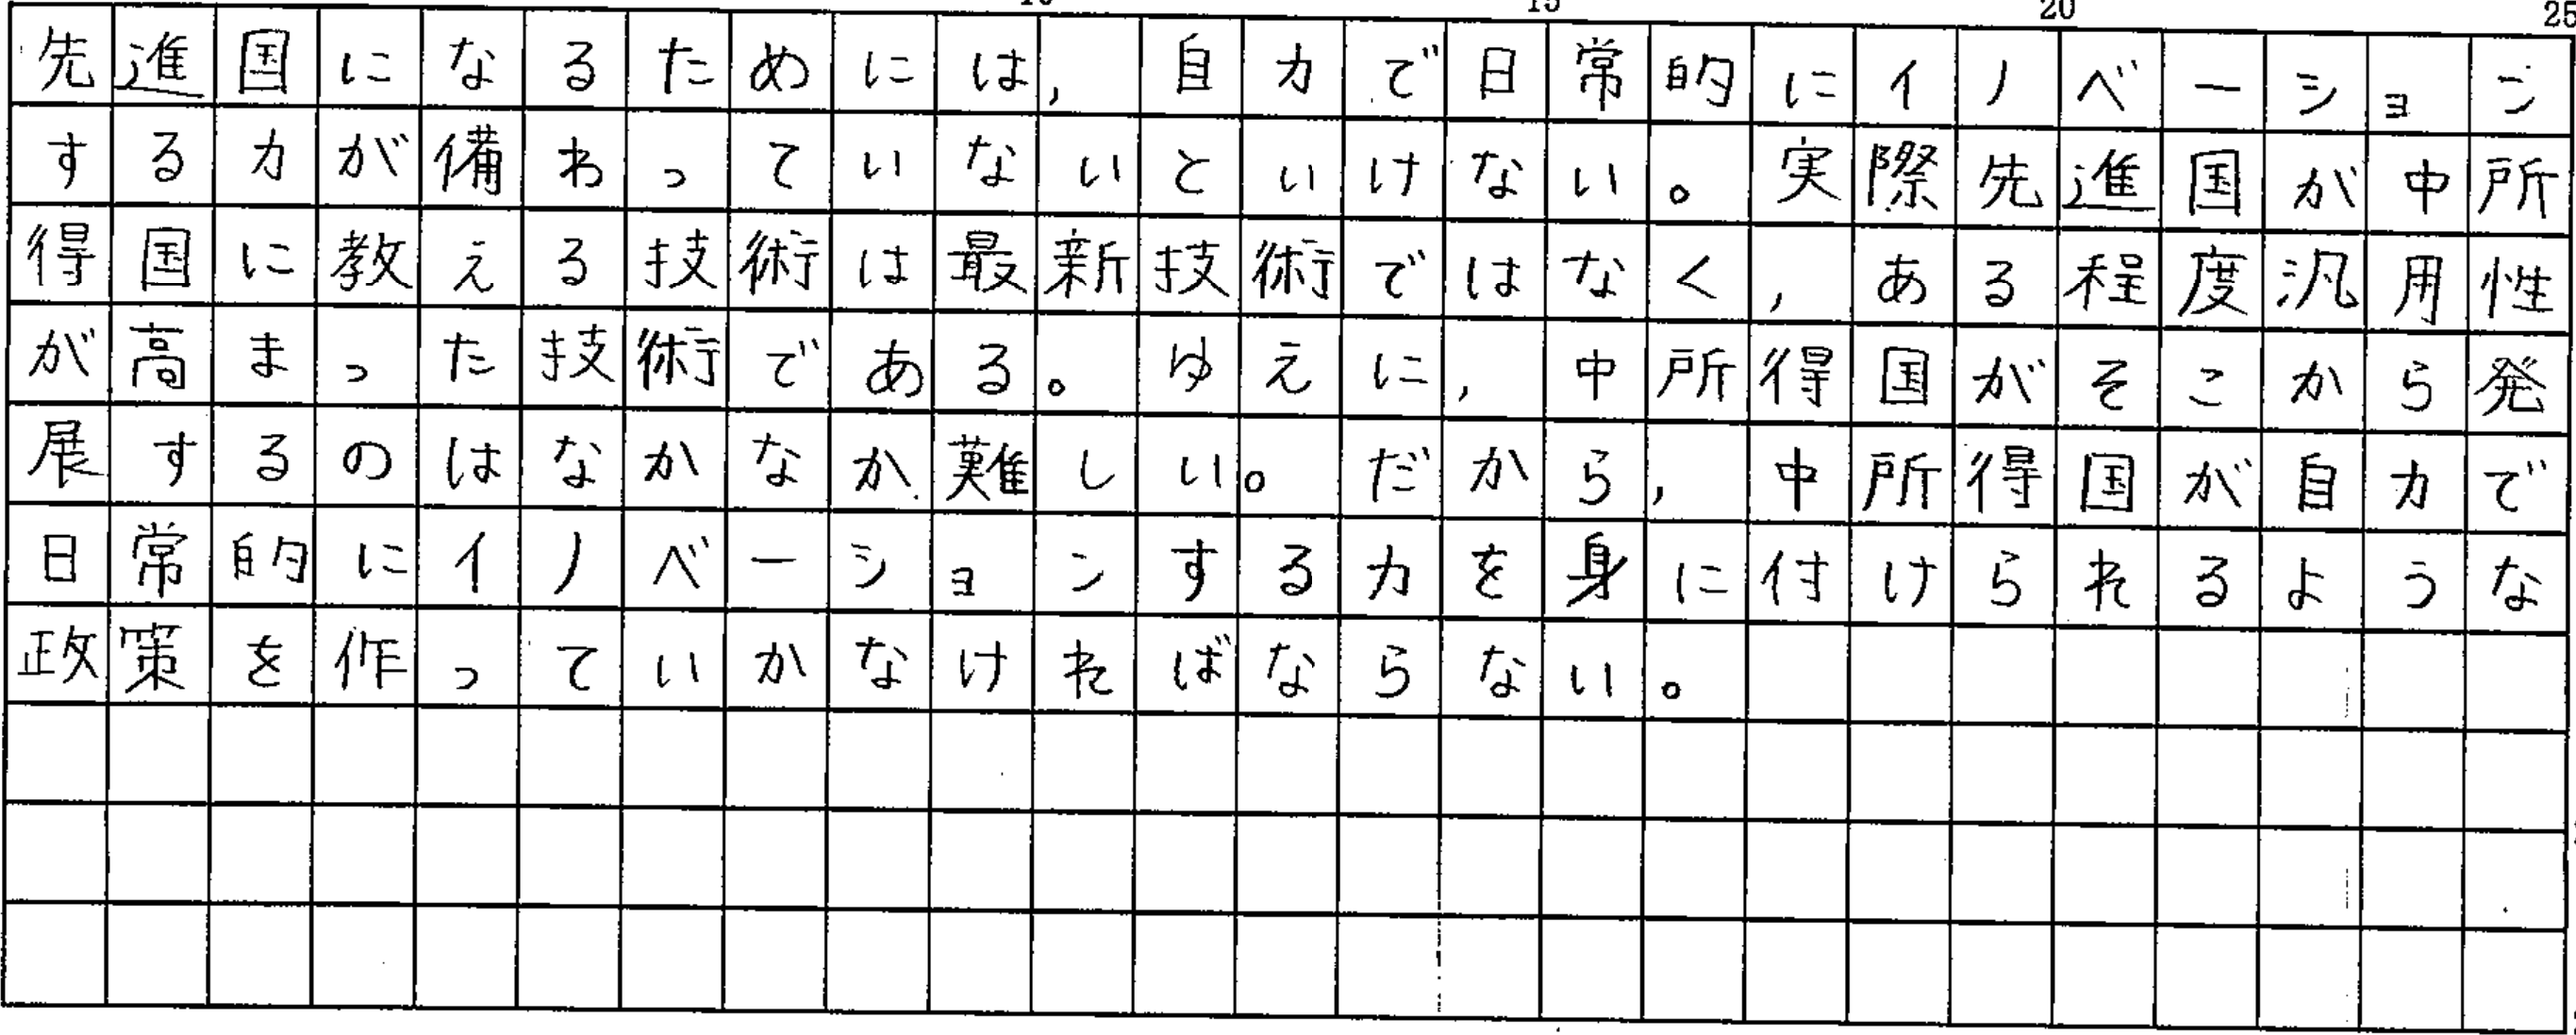先進国になるためには，自力で日常的にイノベーションする力が備わっていないといけない。実際先進国が中所得国に教える技術は最新技術ではなく，ある程度汎用性が高まった技術である。ゆえに，中所得国がそこから発展するのはなかなか難しい。だから，中所得国が自力で日常的にイノベーションする力を身に付けられるような政策を作っていかなければならない。
